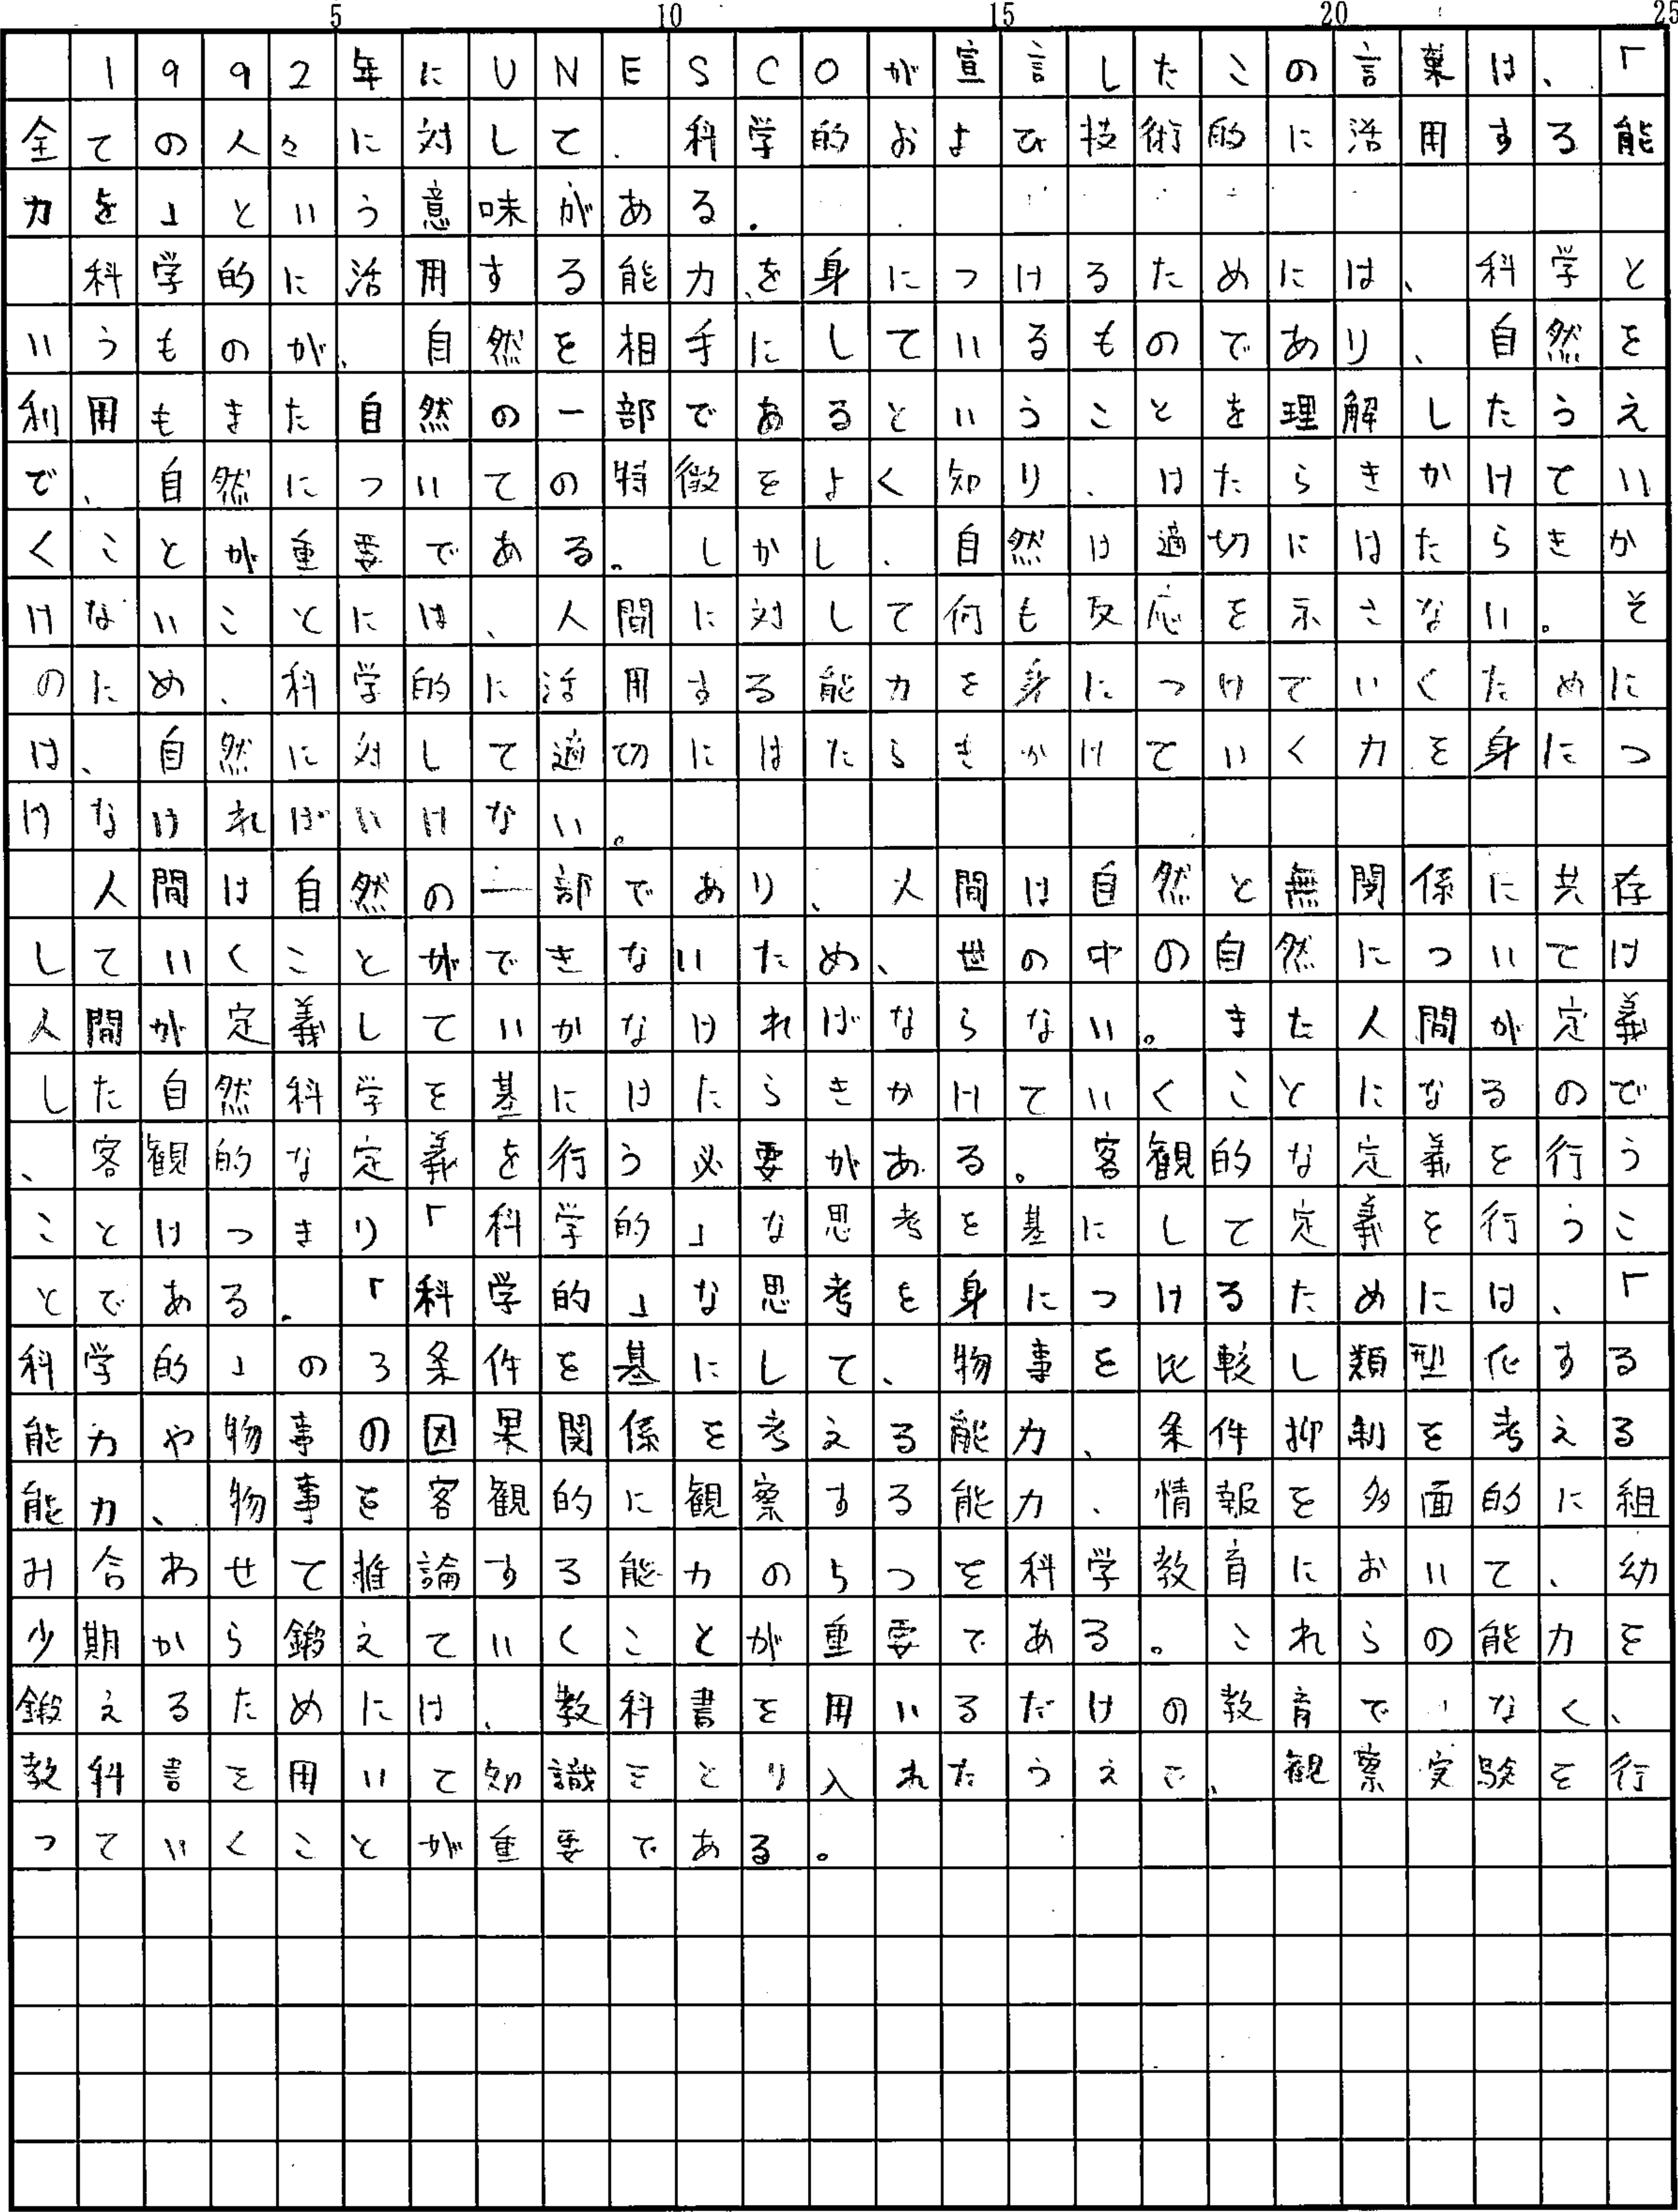　１９９２年にＵＮＥＳＣＯが宣言したこの言葉は、「全ての人々に対して、科学的および技術的に活用する能力を」という意味がある。
　科学的に活用する能力を身につけるためには、科学というものが、自然を相手にしているものであり、自然を利用もまた自然の一部であるということを理解したうえで、自然についての特徴をよく知り、はたらきかけていくことが重要である。しかし、自然は適切にはたらきかけないことには、人間に対して何も反応を示さない。そのため、科学的に活用する能力を身につけていくためには、自然に対して適切にはたらきかけていく力を身につけなければいけない。
　人間は自然の一部であり、人間は自然と無関係に共存していくことができないため、世の中の自然については人間が定義していかなければならない。また人間が定義した自然科学を基にはたらきかけていくことになるので、客観的な定義を行う必要がある。客観的な定義を行うことはつまり「科学的」な思考を基にして定義を行うことである。「科学的」な思考を身につけるためには、「科学的」の３条件を基にして、物事を比較し類型化する能力や物事の因果関係を考える能力、条件抑制を考える能力、物事を客観的に観察する能力、情報を多面的に組み合わせて推論する能力の５つを科学教育において、幼少期から鍛えていくことが重要である。これらの能力を鍛えるためには、教科書を用いるだけの教育で　なく、教科書を用いて知識をとり入れたうえで、観察実験を行っていくことが重要である。
